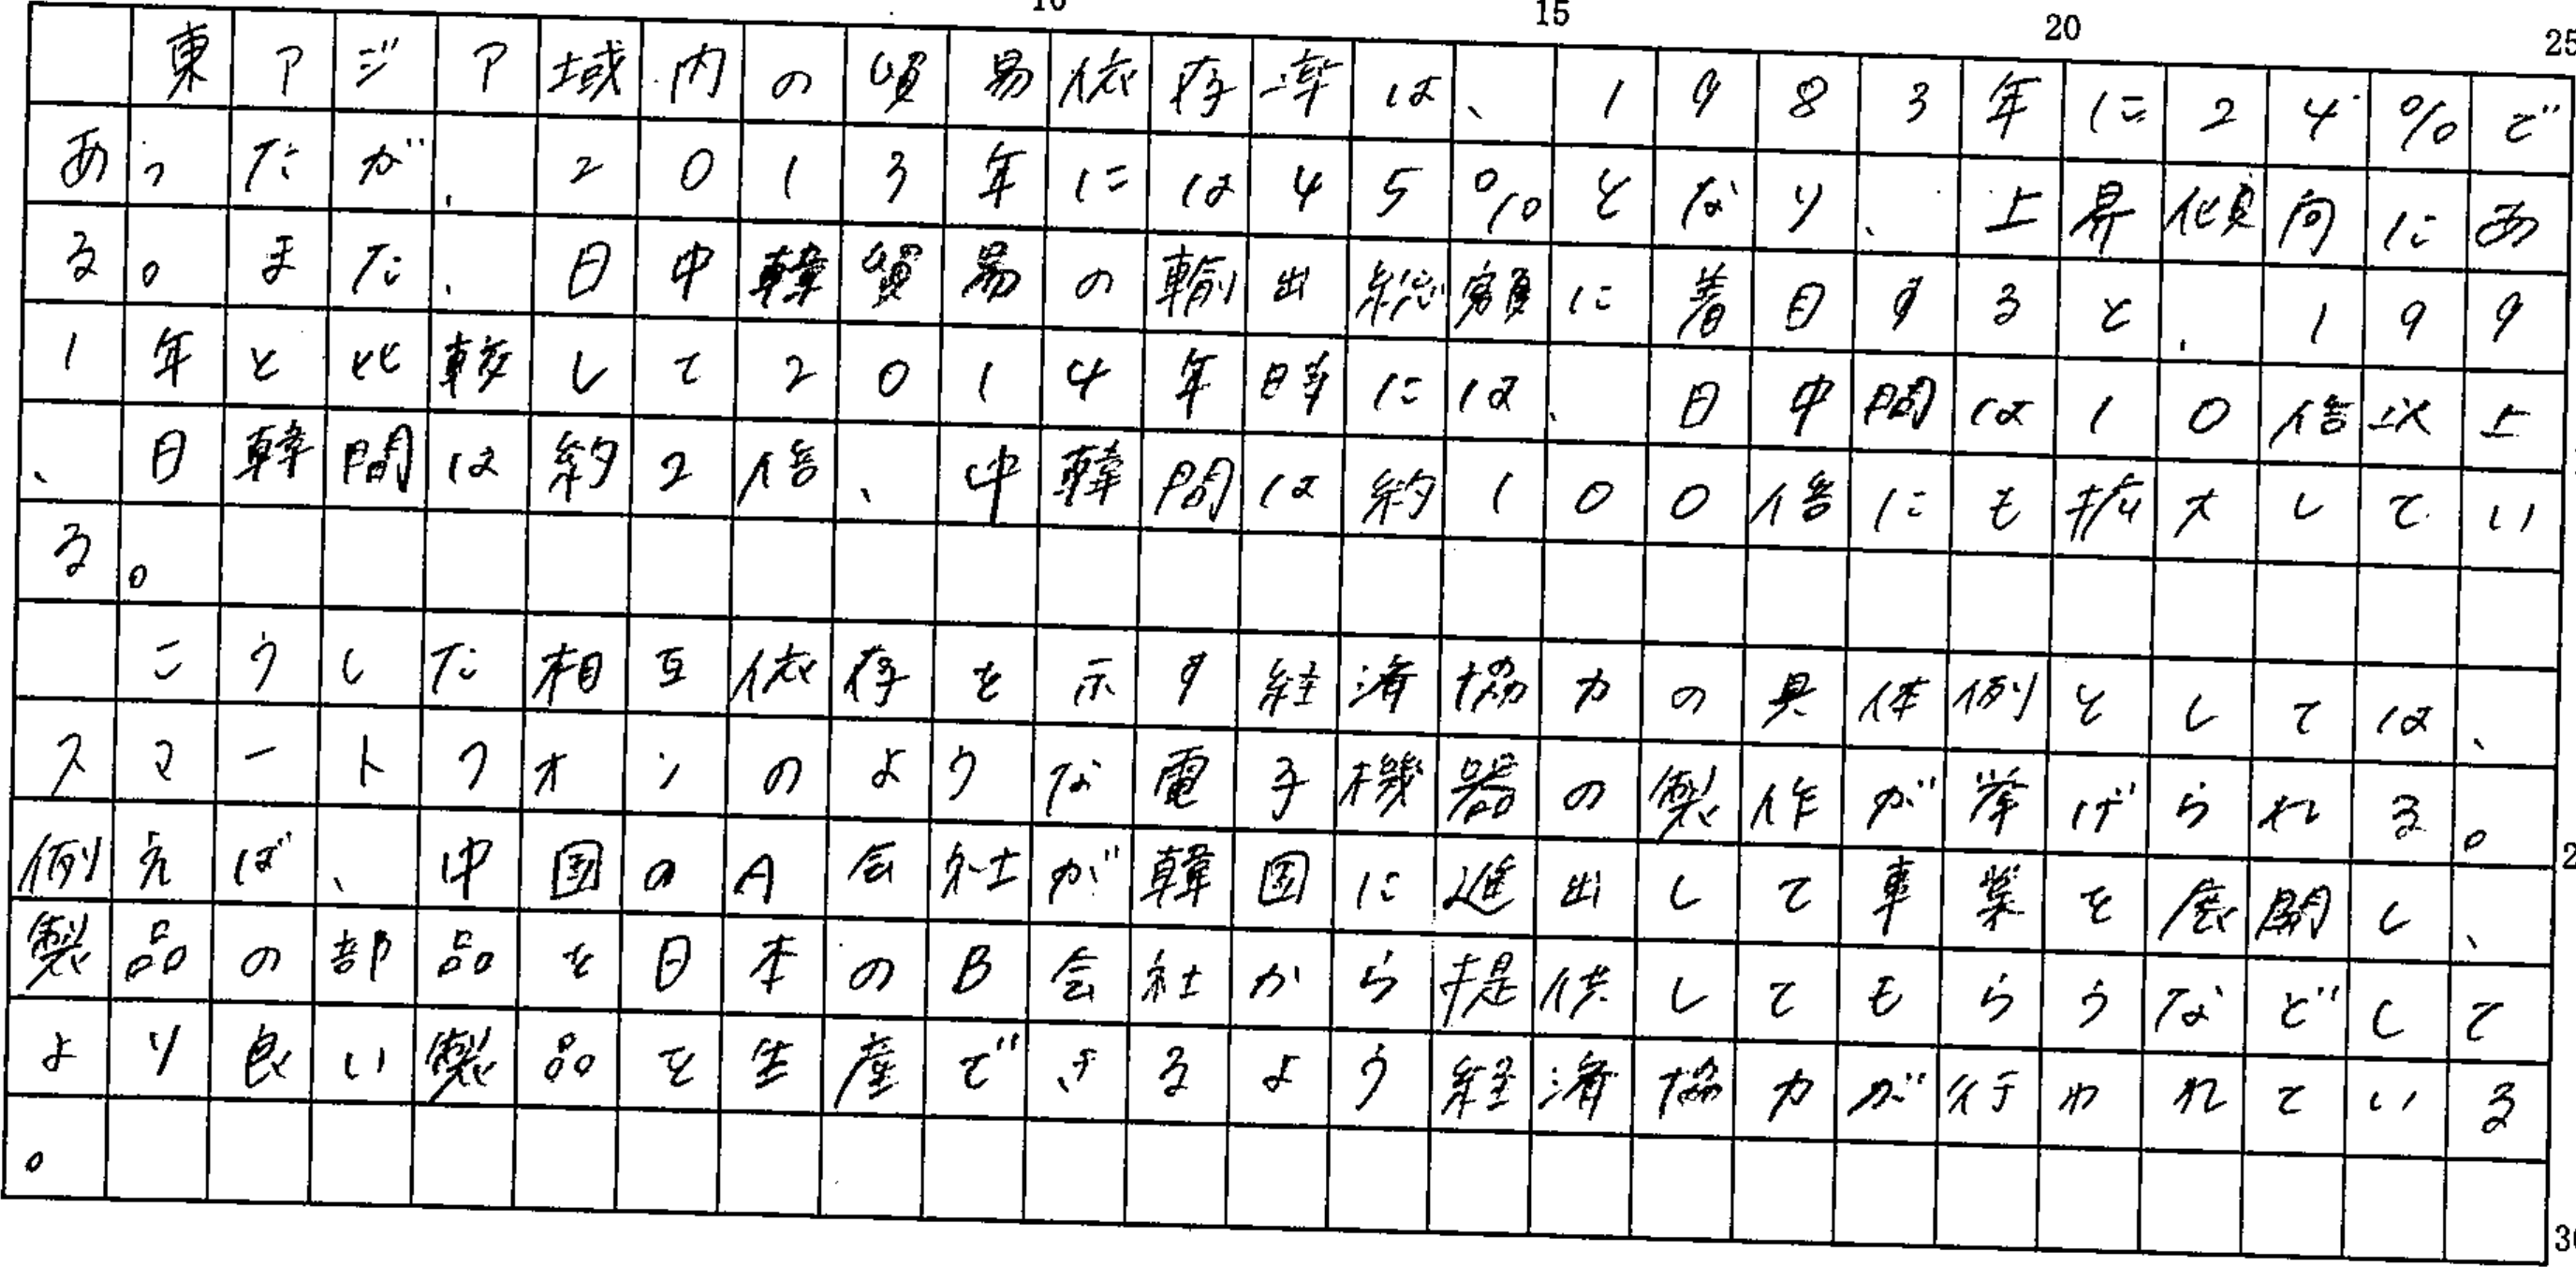　東アジア域内の貿易依存率は、１９８３年に２４％であったが、２０１３年には４５％となり、上昇傾向にある。また、日中韓貿易の輸出総額に着目すると、１９９１年と比較して２０１４年時には、日中間は１０倍以上、日韓間は約２倍、中韓間は約１００倍にも拡大している。
　こうした相互依存を示す経済協力の具体例としては、スマートフォンのような電子機器の製作が挙げられる。例えば、中国のＡ会社が韓国に進出して事業を展開し、製品の部品を日本のＢ会社から提供してもらうなどしてより良い製品を生産できるよう経済協力が行われている。
